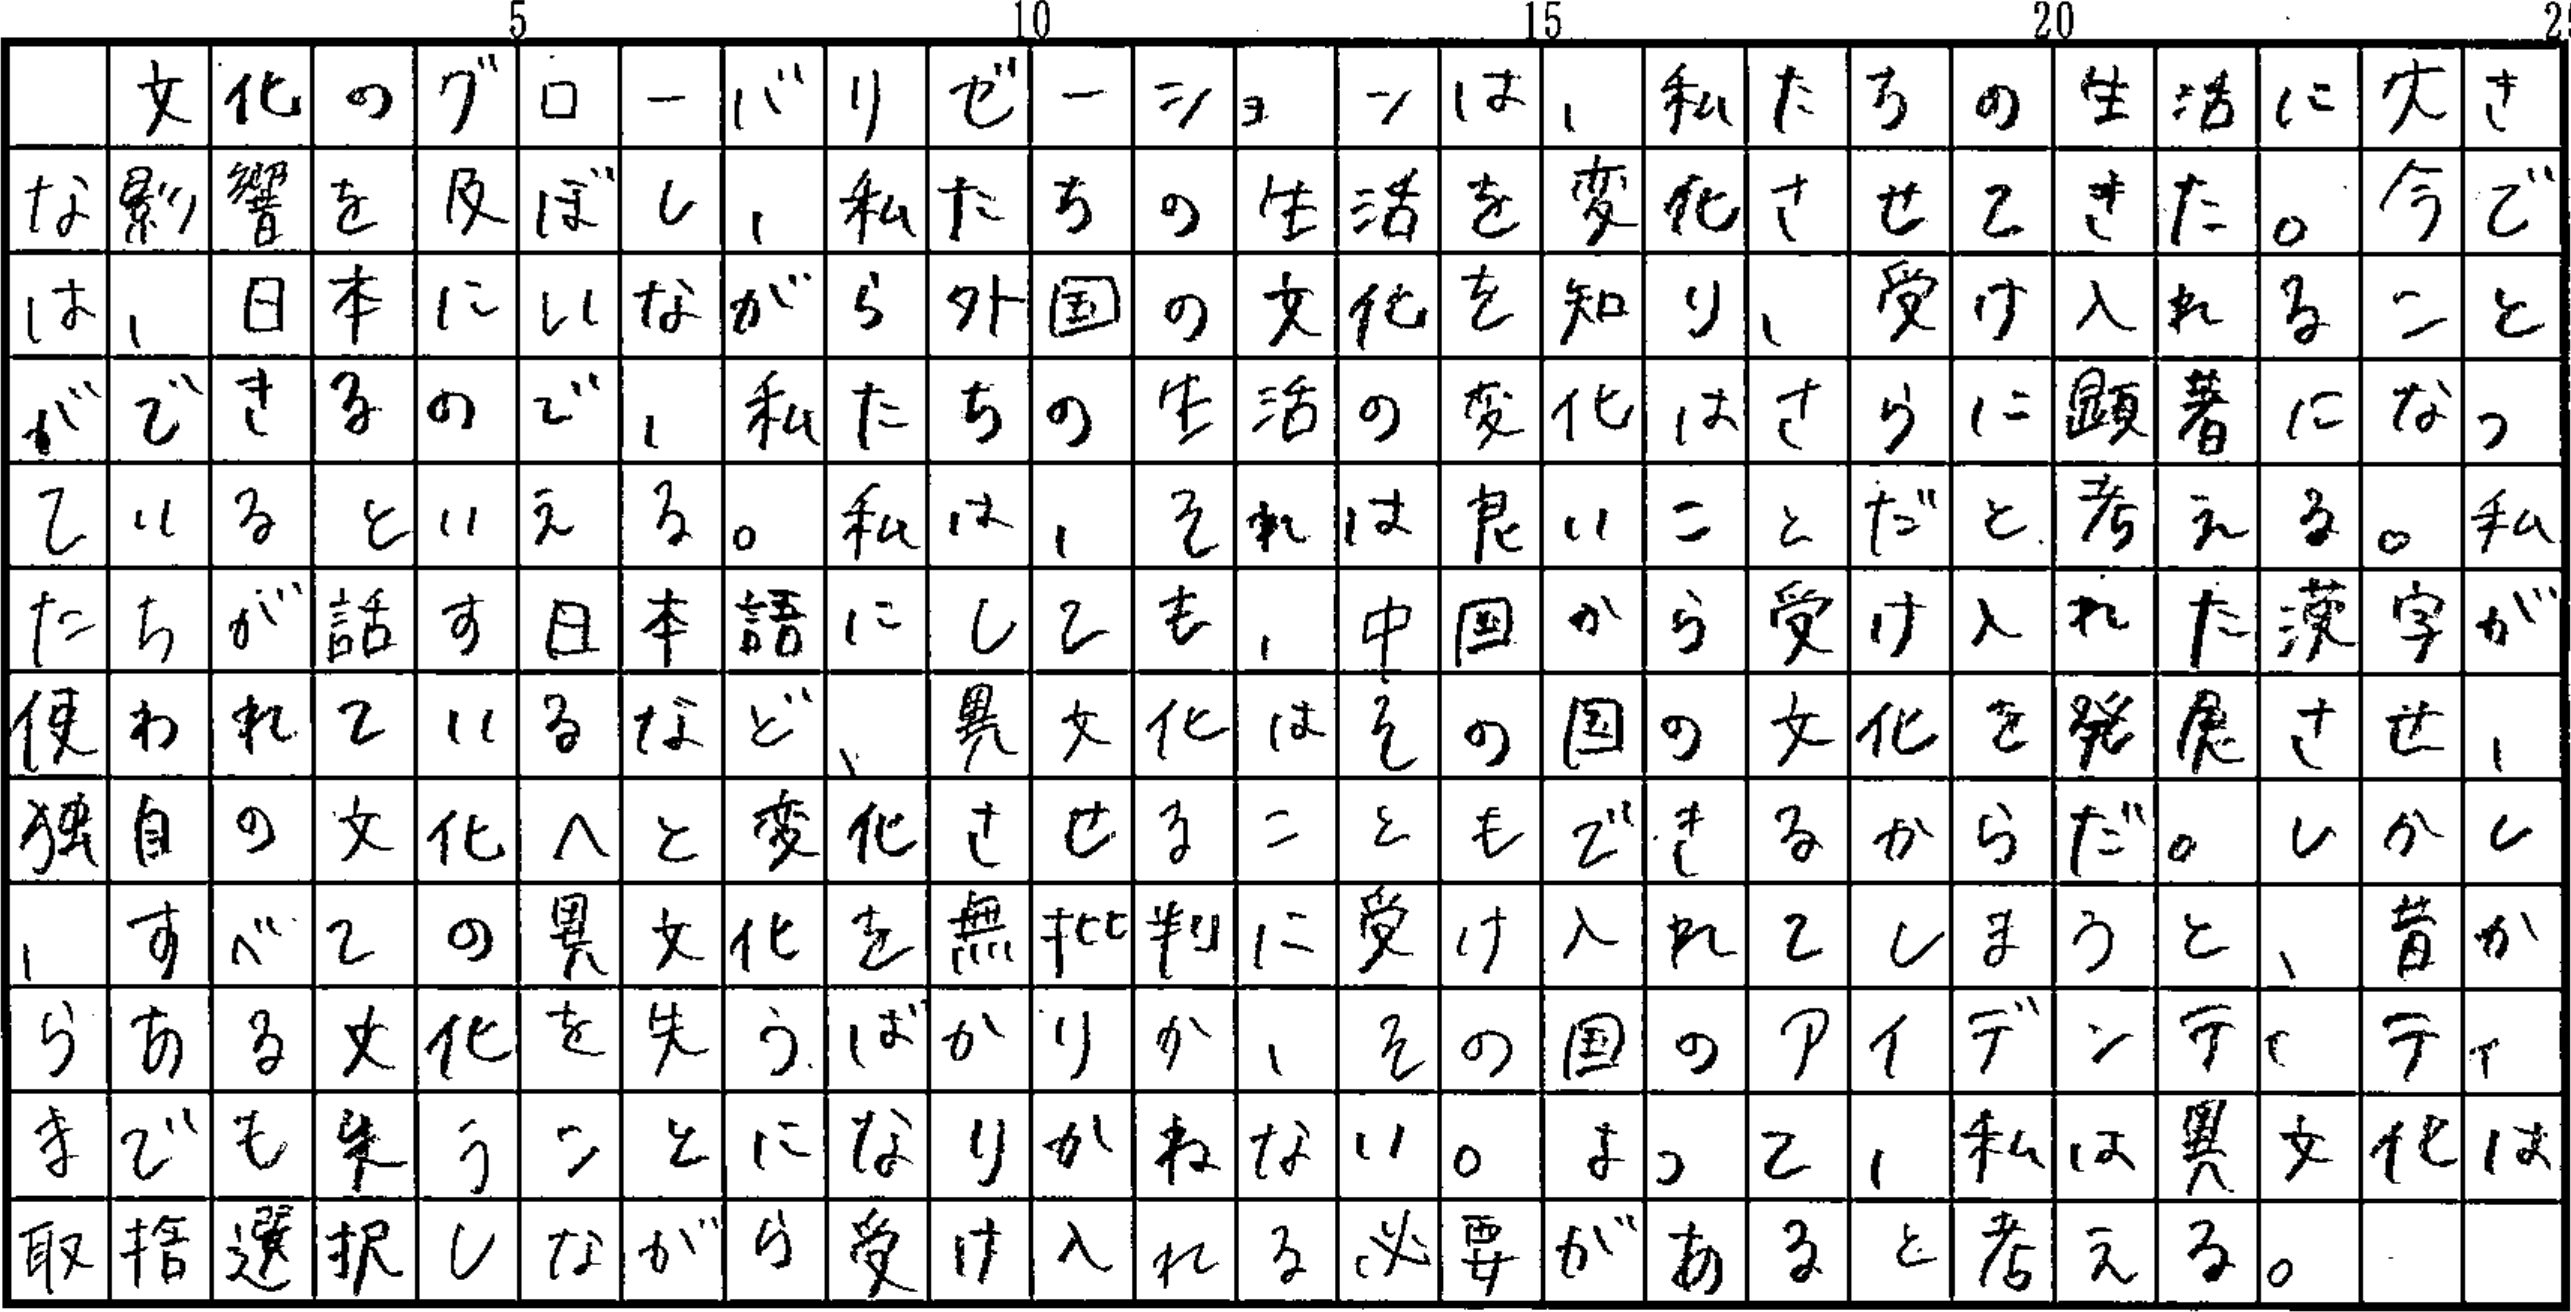　文化のグローバリゼーションは、私たちの生活に大きな影響を及ぼし、私たちの生活を変化させてきた。今では、日本にいながら外国の文化を知り、受け入れることができるので、私たちの生活の変化はさらに顕著になっているといえる。私は、それは良いことだと考える。私たちが話す日本語にしても、中国から受け入れた漢字が使われているなど、異文化はその国の文化を発展させ、独自の文化へと変化させることもできるからだ。しかし、すべての異文化を無批判に受け入れてしまうと、昔からある文化を失うばかりか、その国のアイデンティティまでも失うことになりかねない。よって、私は異文化は取捨選択しながら受け入れる必要があると考える。
